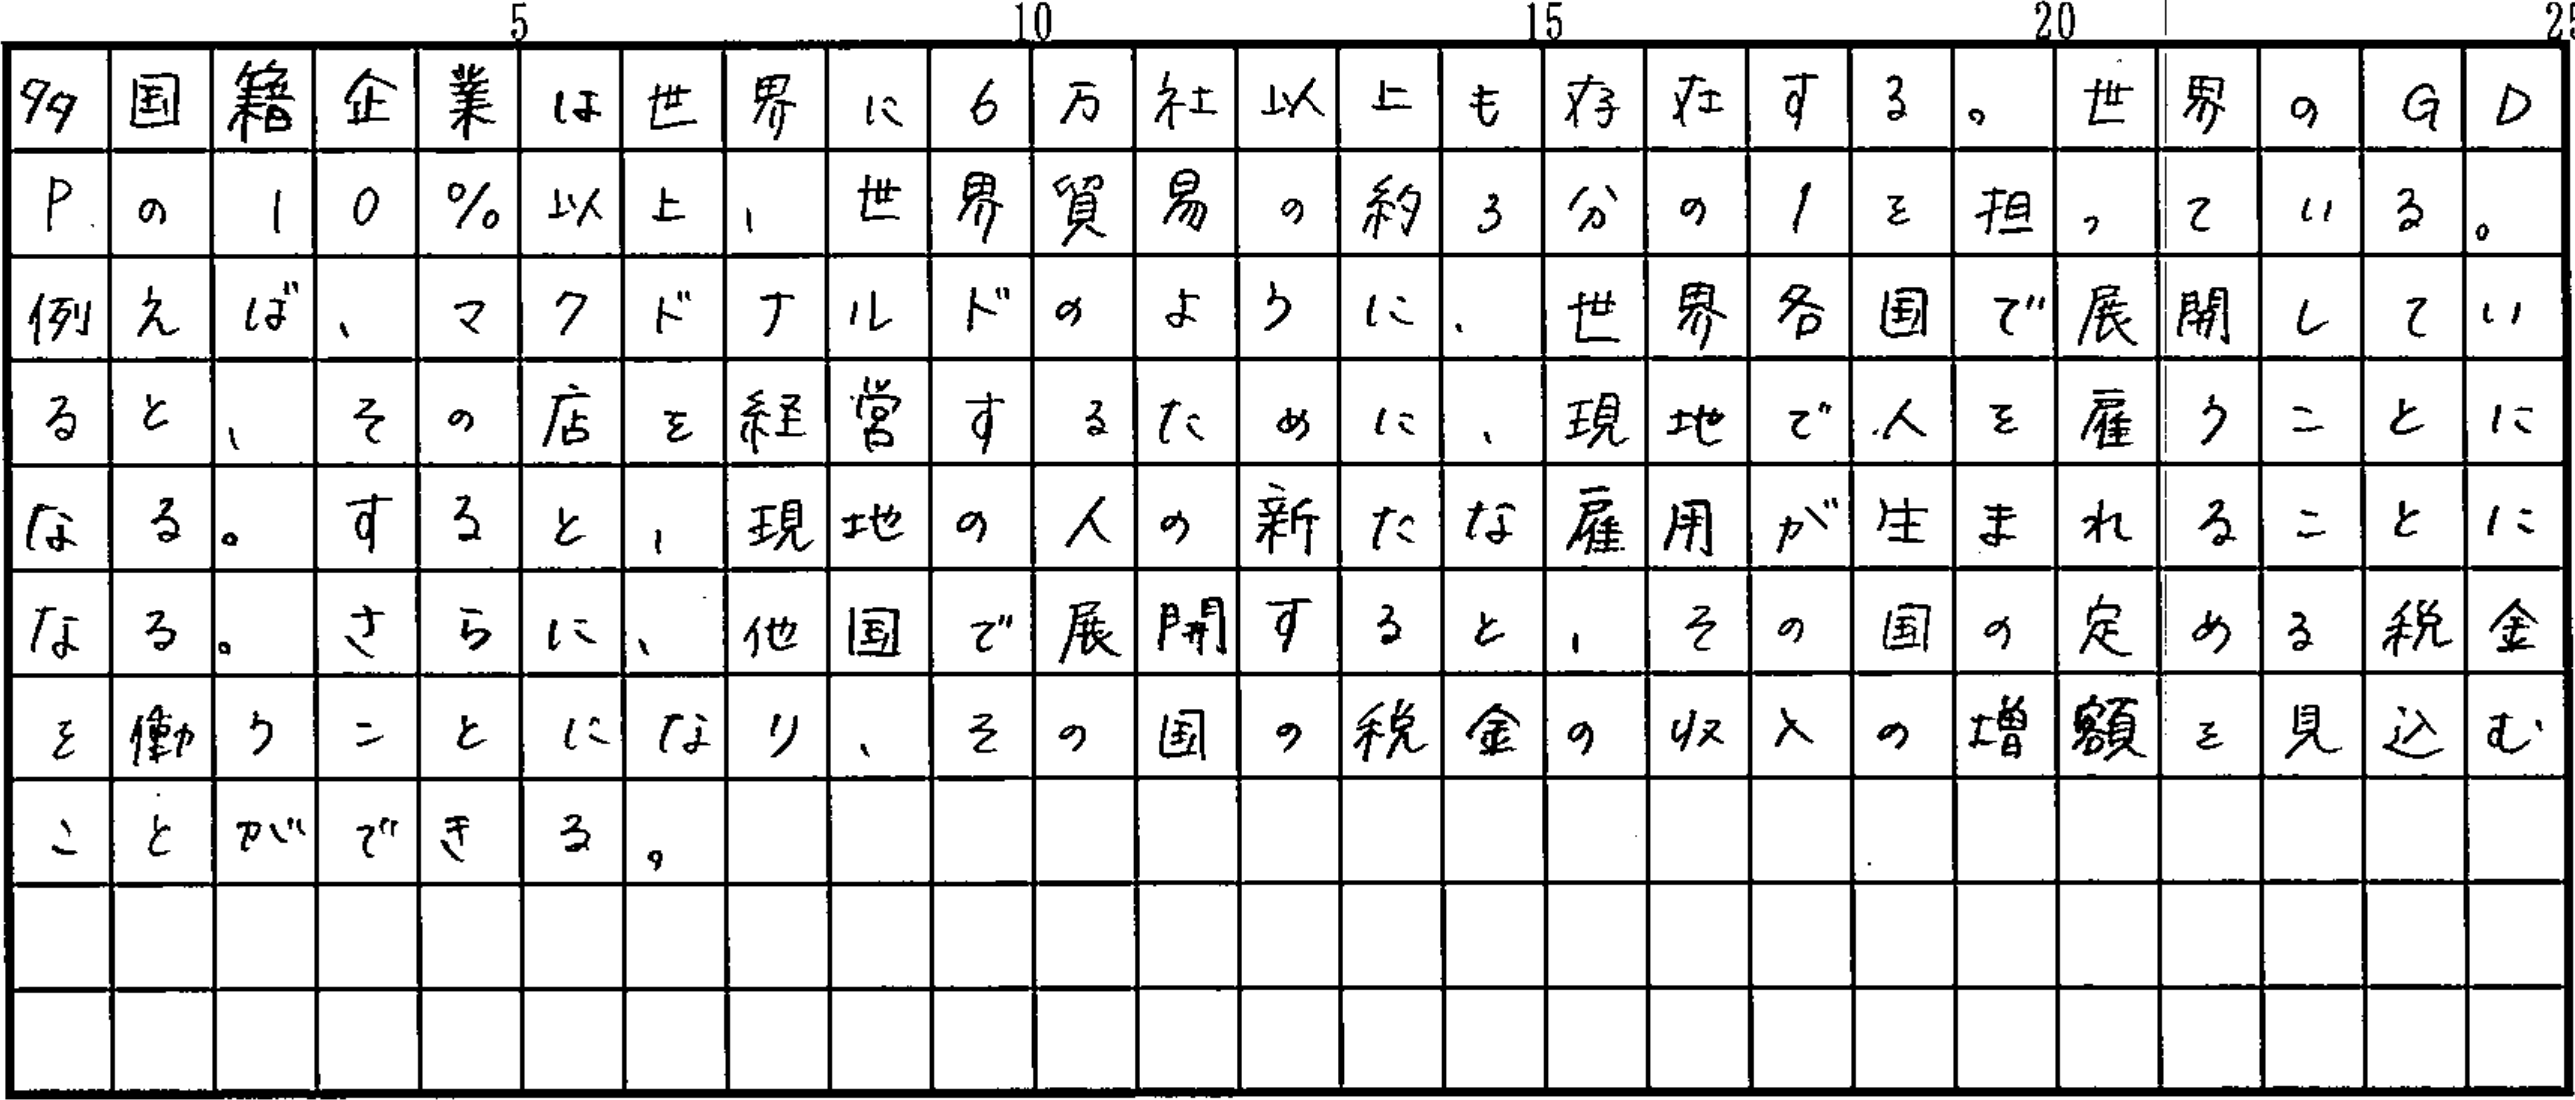多国籍企業は世界に６万社以上も存在する。世界のＧＤＰの１０％以上、世界貿易の約３分の１を担っている。例えば、マクドナルドのように、世界各国で展開していると、その店を経営するために、現地で人を雇うことになる。すると、現地の人の新たな雇用が生まれることになる。さらに、他国で展開すると、その国の定める税金を働うことになり、その国の税金の収入の増額を見込むことができる。
